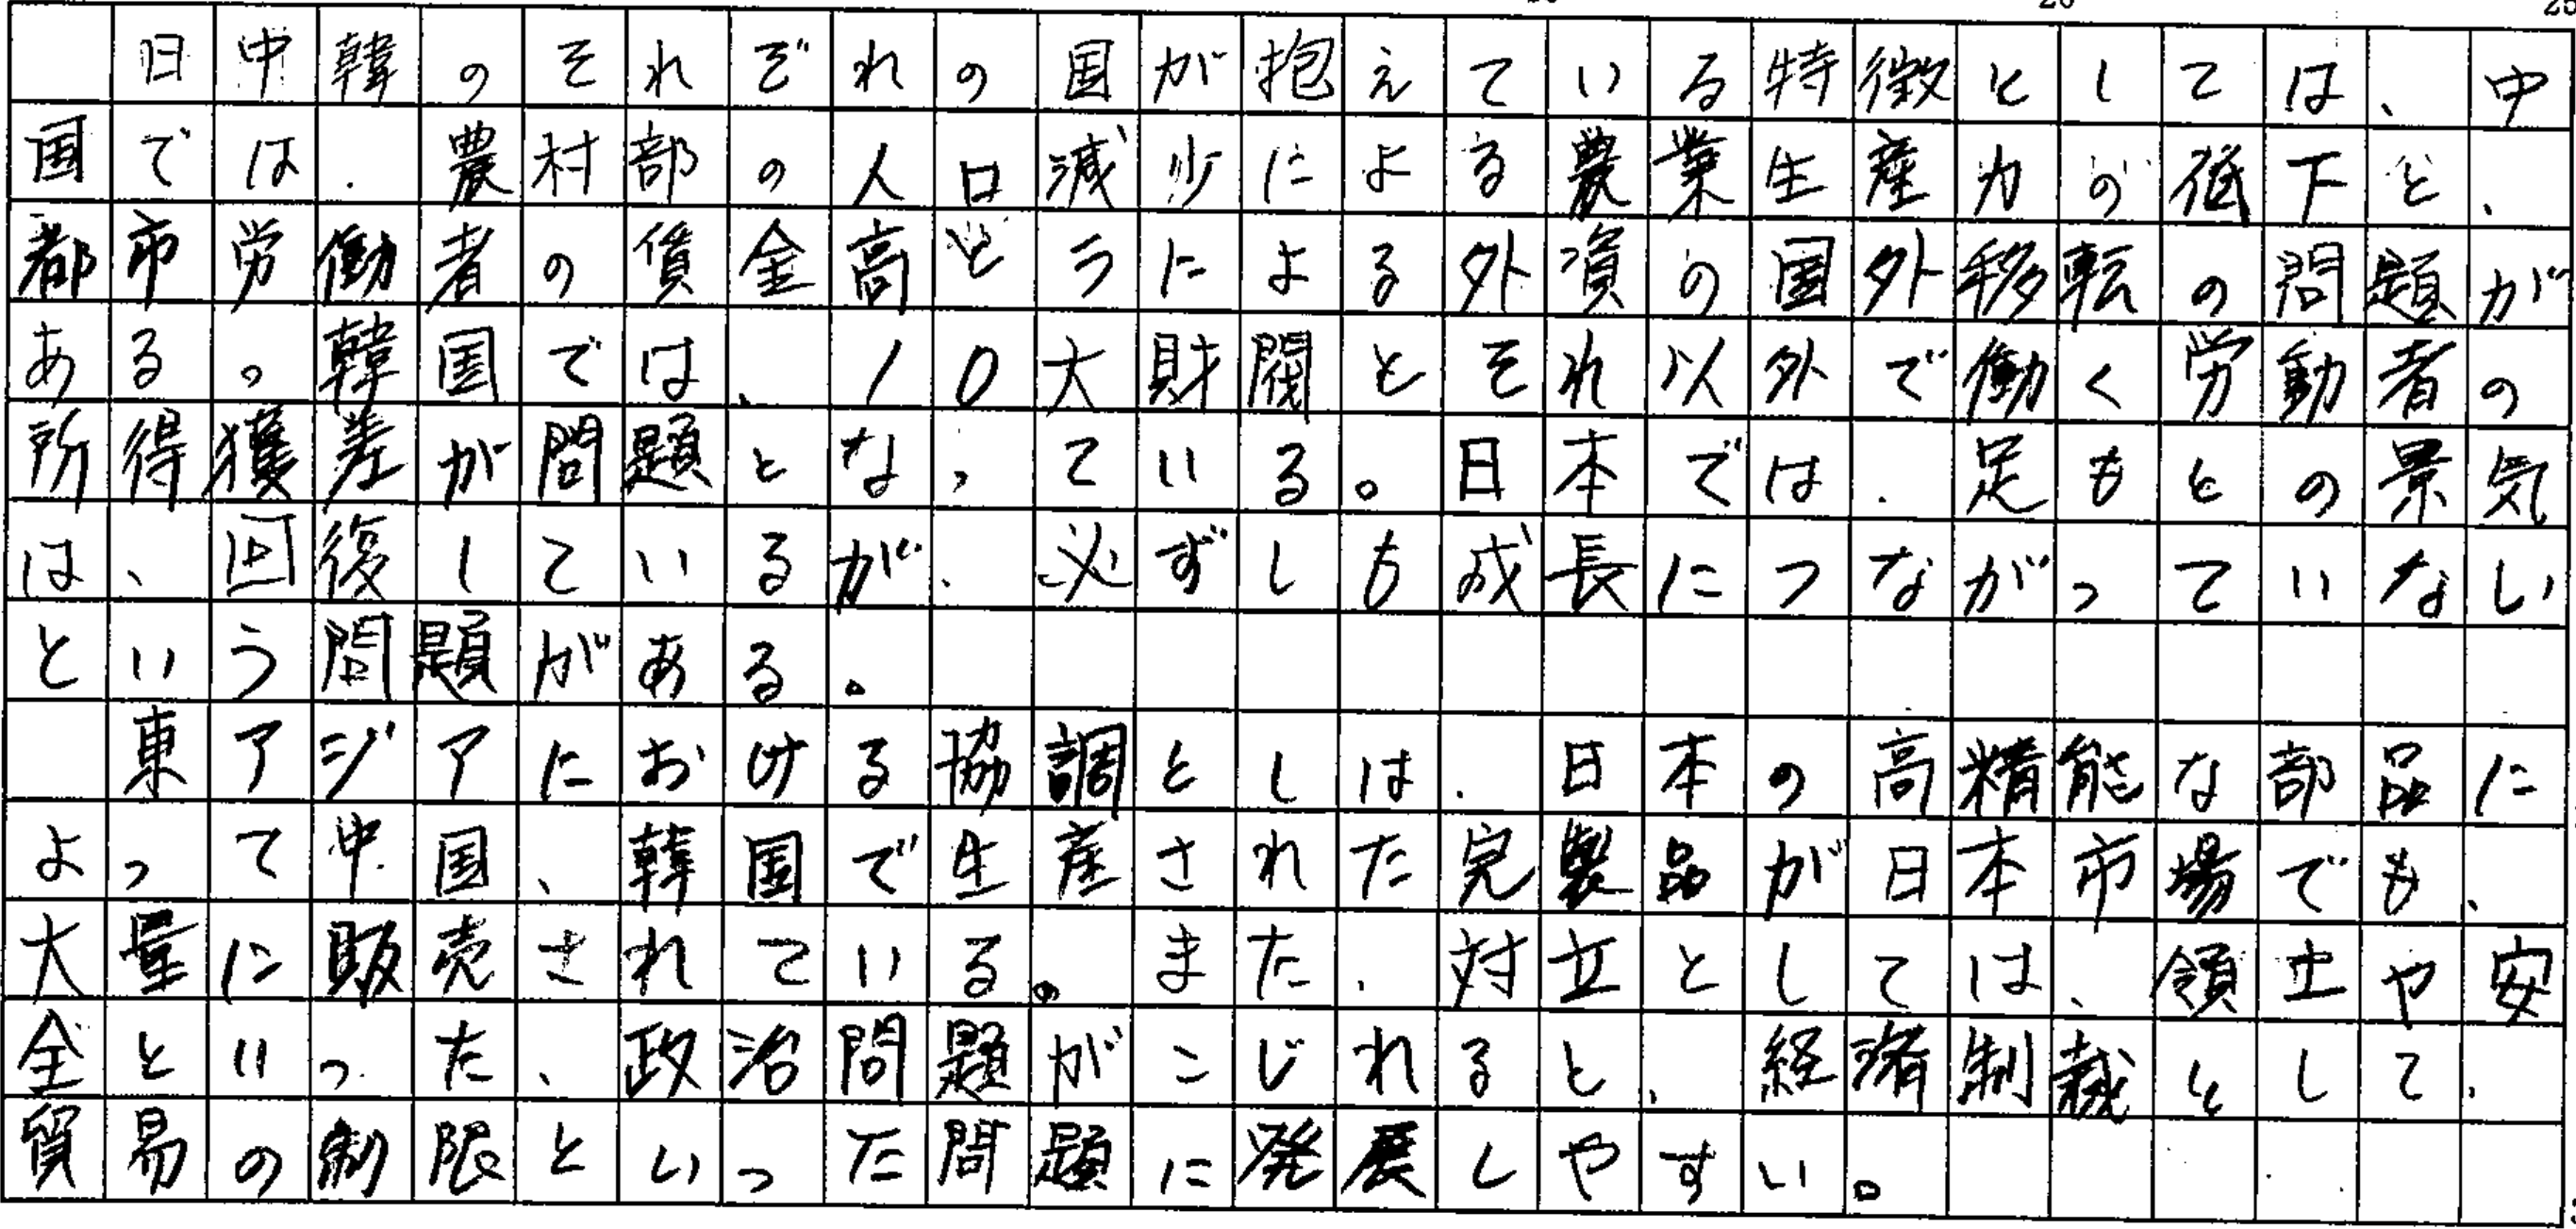　日中韓のそれぞれの国が抱えている特徴としては、中国では、農村部の人口減少による農業生産力の低下と、都市労働者の賃金高とうによる外資の国外移転の問題がある。韓国では、１０大財閥とそれ以外で働く労動者の所得獲差が問題となっている。日本では、足もとの景気は、回復しているが、必ずしも成長につながっていないという問題がある。
　東アジアにおける協調としは、日本の高精能な部品によって中国、韓国で生産された完製品が日本市場でも、大量に販売されている。また、対立としては、領土や安全といった、政治問題がこじれると、経済制裁として、貿易の制限といった問題に発展しやすい。
